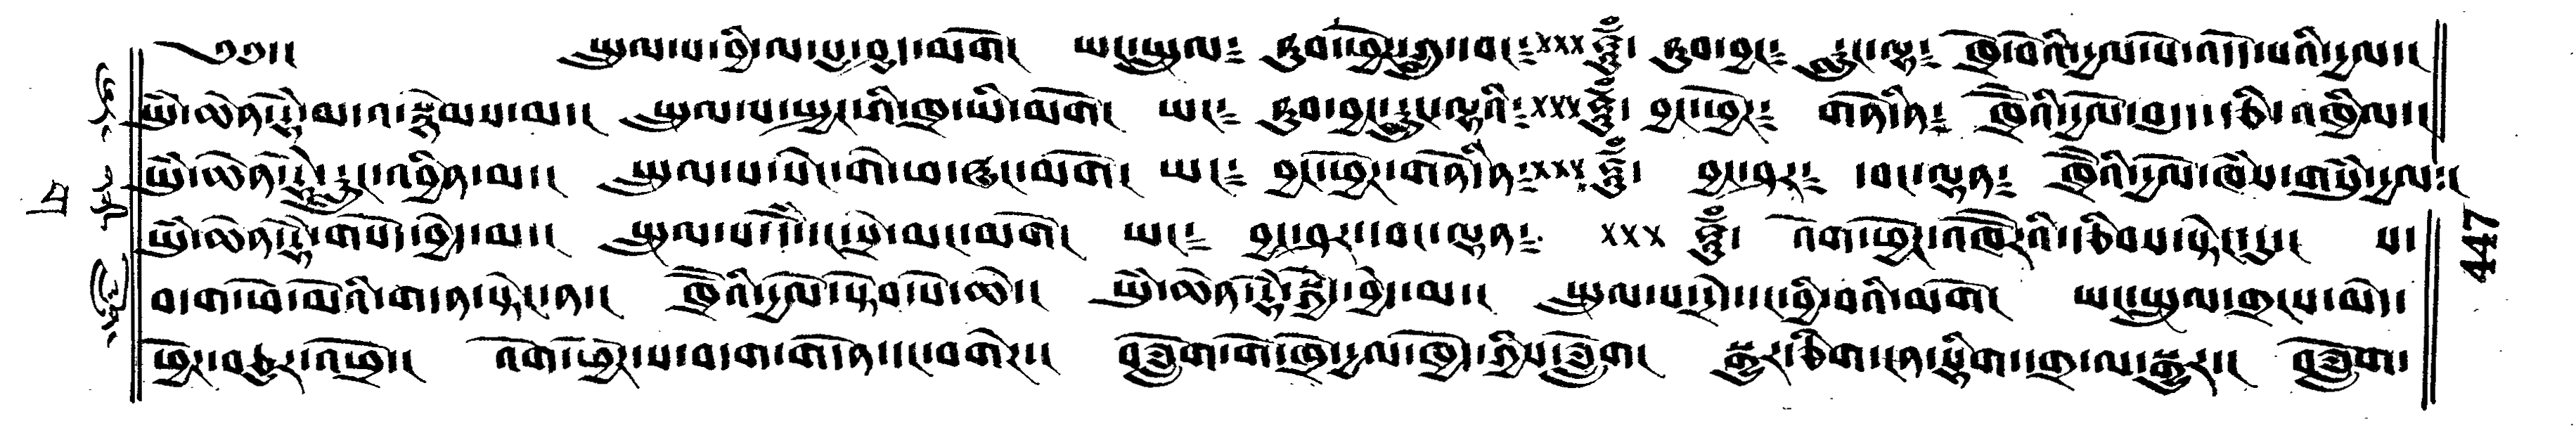།སྤྲུལ་པ་བྱི་ལ་པུ་ཤུད་མགོ །ཡང་སྤྲུལ༴ ནུབ་ཕྱོགས་ཀླུ་དབང༴ ༴༴༴ ཧཱུྃ། ནུབ་བྱང༴ རླུང་ལྷ༴ ཁྲོ་བོའི་རྒྱལ་པོ་འདོད་པའི་རྒྱལ། །
ཡུམ་ཆེན་རྡོ་རྗེ་མདའ་སྙེམས་མ། །སྤྲུལ་པ་སྤྱང་ཀི་ཁྲ་ཡི་མགོ །ཡང༴ ནུབ་བྱང་རླུང་ལྷའི༴ ༴༴༴ ཧཱུྃ། བྱང་ཕྱོགས༴ གནོད་སྦྱིན༴ ཁྲོ་བོའི་རྒྱལ་པོ་བདུད་རྩི་འཁྱིལ། །
ཡུམ་ཆེན་རྡོ་རྗེ་རླུང་འབྱིན་མ། །སྤྲུལ་པ་སེང་གེ་ཕ་ཝང་མགོ ཡང༴ བྱང་ཕྱོགས་གནོད་སྦྱིན༴ ༴༴༴ ཧཱུྃ། བྱང་ཤར༴ དབང་ལྡན༴ ཁྲོ་བོའི་རྒྱལ་པོ་ཁམས་གསུམ་རྒྱལ། །
ཡུམ་ཆེན་རྡོ་རྗེ་གསོད་བྱེད་མ། །སྤྲུལ་པ་དོམ་དང་སྲེ་མོང་མགོ །ཡང༴ བྱང་ཤར་དབང་ལྡན༴ ༴༴༴ ཧཱུྃ། འོག་ཕྱོགས་འཁོར་ལོའི་རྩིབས་སྟེང་དུ། །ས་
བདག་ཕོ་མོའི་གདན་སྟེང་ན། ཁྲོ་བོའི་རྒྱལ་པོ་སྟོབས་པོ་ཆེ། །ཡུམ་ཆེན་རྡོ་རྗེ་སྐྱོད་བྱེད་མ། །སྤྲུལ་པ་དྲེད་དང་བྱི་བའི་མགོ །ཡང་སྤྲུལ་གྲངས་མེད་
ཕྱོགས་བཅུར་འཕྲོ། །འོག་ཕྱོགས་ས་བདག་གདོན་དང་བགེགས། །བཟློག་གོ་ཁྲོ་རྒྱལ་ཁྱོད་ཀྱིས་ཟློག །སྒྱུར་ཅིག་ངན་སྡིག་དགྲ་ལ་སྒྱུར། །བཟློག་